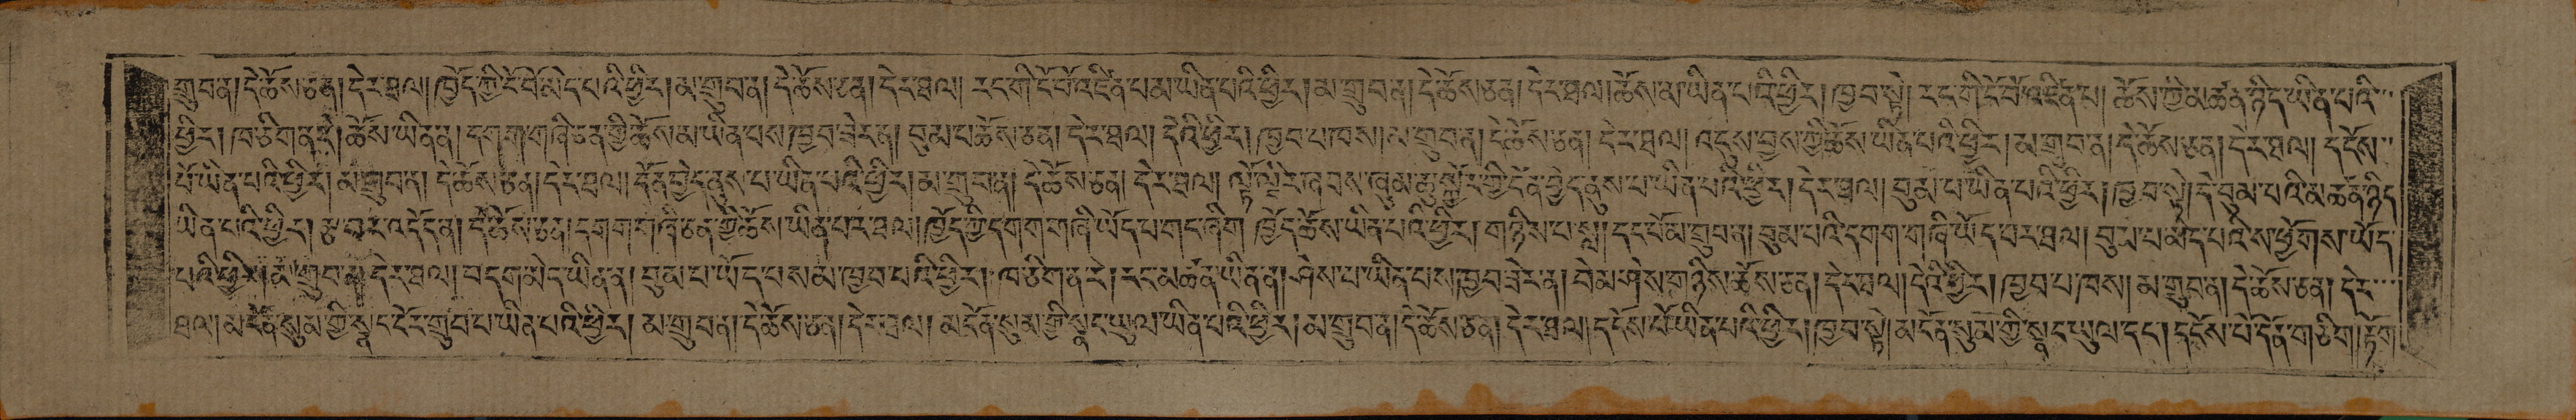གྲུབ་ན། དེ་ཆོས་ཅན། དེར་ཐལ། ཁྱོད་ཀྱི་ངོ་བོ་མེད་པའི་ཕྱིར། མ་གྲུབ་ན། དེ་ཆོས་ཅན། དེར་ཐལ། རང་གི་ངོ་བོ་འཛིན་པ་མ་ཡིན་པའི་ཕྱིར། མ་གྲུབ་ན། དེ་ཆོས་ཅན། དེར་ཐལ། ཆོས་མ་ཡིན་པའི་ཕྱིར། ཁྱབ་སྟེ། རང་གི་ངོ་བོ་འཛིན་པ། ཆོས་ཀྱི་མཚན་ཉིད་ཡིན་པའི་
ཕྱིར། ཁ་ཅིག་ན་རེ། ཆོས་ཡིན་ན། དགག་གཞི་ཅན་གྱི་ཆོས་མ་ཡིན་པས་ཁྱབ་ཟེར་ན། བུམ་པ་ཆོས་ཅན། དེར་ཐལ། དེའི་ཕྱིར། ཁྱབ་པ་ཁས། མ་གྲུབ་ན། དེ་ཆོས་ཅན། དེར་ཐལ། འདུས་བྱས་ཀྱི་ཆོས་ཡིན་པའི་ཕྱིར། མ་གྲུབ་ན། དེ་ཆོས་ཅན། དེར་ཐལ། དངོས་
པོ་ཡིན་པའི་ཕྱིར། མ་གྲུབ་ན། དེ་ཆོས་ཅན། དེར་ཐལ། དོན་བྱེད་ནུས་པ་ཡིན་པའི་ཕྱིར། མ་གྲུབ་ན། དེ་ཆོས་ཅན། དེར་ཐལ། ལྟོ་ལྡིར་ཞབས་ཞུམ་ཆུ་སྐྱོར་གྱི་དོན་བྱེད་ནུས་པ་ཡིན་པའི་ཕྱིར། དེར་ཐལ། བུམ་པ་ཡིན་པའི་ཕྱིར། ཁྱབ་སྟེ། དེ་བུམ་པའི་མཚན་ཉིད་
ཡིན་པའི་ཕྱིར། རྩ་བར་འདོད་ན། དེ་ཆོས་ཅན། དགག་གཞི་ཅན་གྱི་ཆོས་ཡིན་པར་ཐལ། ཁྱོད་ཀྱི་དགག་གཞི་ཡོད་པ་གང་ཞིག་ཁྱོད་ཆོས་ཡིན་པའི་ཕྱིར། གཉིས་པ་སླ། དང་པོ་མ་གྲུབ་ན། བུམ་པའི་དགག་གཞི་ཡོད་པར་ཐལ། བུམ་པ་མེད་པའི་ས་ཕྱོགས་ཡོད་
པའི་ཕྱིར། མ་གྲུབ་ན། དེར་ཐལ། བདག་མེད་ཡིན་ན། བུམ་པ་ཡོད་པས་མ་ཁྱབ་པའི་ཕྱིར། ཁ་ཅིག་ན་རེ། རང་མཚན་ཡིན་ན། ཤེས་པ་ཡིན་པས་ཁྱབ་ཟེར་ན། བེམ་ཤེས་གཉིས་ཆོས་ཅན། དེར་ཐལ། དེའི་ཕྱིར། ཁྱབ་པ་ཁས། མ་གྲུབ་ན། དེ་ཆོས་ཅན། དེར་
ཐལ༑ མངོན་སུམ་གྱི་སྣང་ངོར་གྲུབ་པ་ཡིན་པའི་ཕྱིར། མ་གྲུབ་ན། དེ་ཆོས་ཅན། དེར་ཐལ། མངོན་སུམ་གྱི་སྣང་ཡུལ་ཡིན་པའི་ཕྱིར། མ་གྲུབ་ན། དེ་ཆོས་ཅན། དེར་ཐལ། དངོས་པོ་ཡིན་པའི་ཕྱིར། ཁྱབ་སྟེ། མངོན་སུམ་གྱི་སྣང་ཡུལ་དང་། དངོས་པོ་དོན་གཅིག །རྟོག་